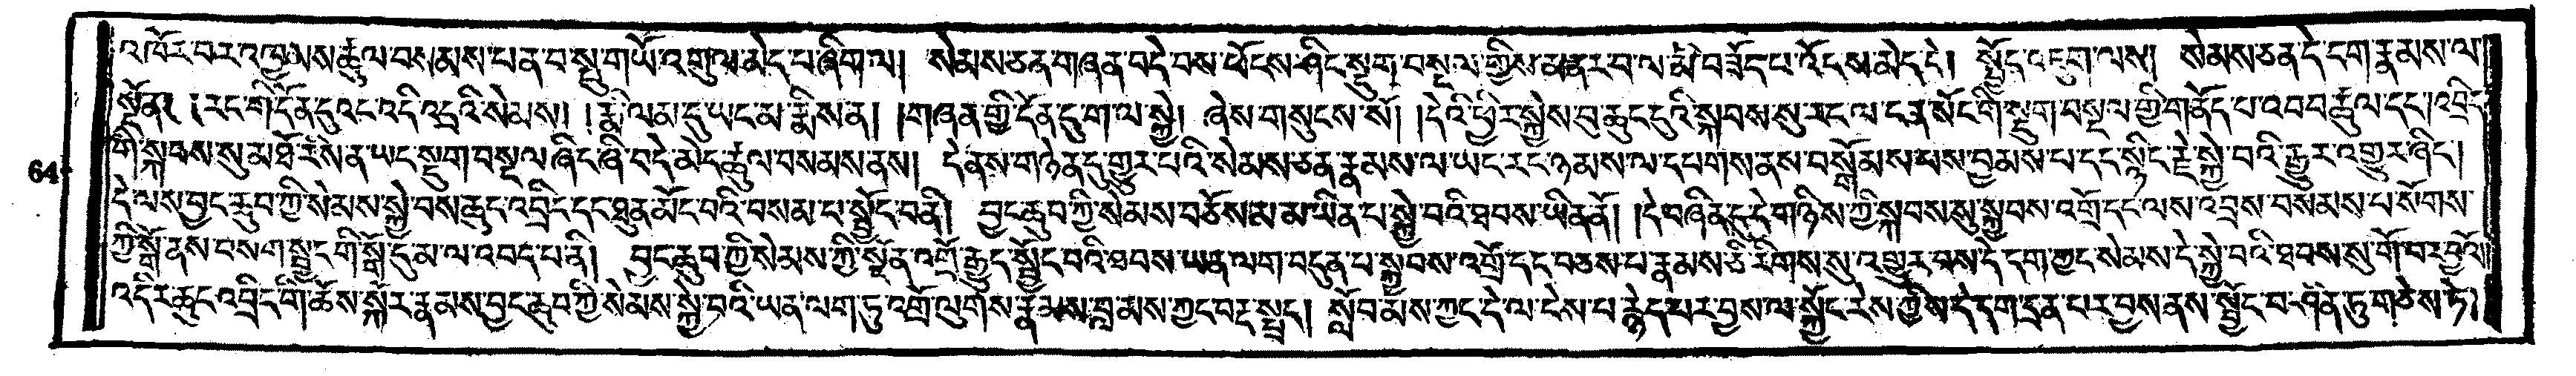འཁོར་བར་འཁྱམས་ཚུལ་བསམས་པ་ན་བ་སྤུ་གཡོ་འགུལ་མེད་པ་ཞིག་ལ། སེམས་ཅན་གཞན་བདེ་བས་ཕོངས་ཤིང་སྡུག་བསྔལ་གྱིས་མནར་བ་ལ་མི་བཟོད་པ་འོད་ས་མེད་དེ། སྤྱོད་འཇུག་ལས། སེམས་ཅན་དེ་དག་རྣམས་ལ་
སྔོན༑ ༑རང་གི་དོན་དུའང་འདི་འདྲའི་སེམས། །རྨི་ལམ་དུ་ཡང་མ་རྨིས་ན། །གཞན་གྱི་དོན་དུ་ག་ལ་སྐྱེ། ཞེས་གསུངས་སོ། །དེའི་ཕྱིར་སྐྱེས་བུ་ཆུང་དུའི་སྐབས་སུ་རང་ལ་ངན་སོང་གི་སྡུག་བསྔལ་གྱི་གནོད་པ་འབབ་ཚུལ་དང་། འབྲིང་
གི་སྐབས་སུ་མཐོ་རིས་ན་ཡང་སྡུག་བསྔལ་ཞིང་ཞི་བདེ་མེད་ཚུལ་བསམས་ནས། དེ་ནས་གཉེན་དུ་གྱུར་བའི་སེམས་ཅན་རྣམས་ལ་ཡང་རང་ཉམས་ལ་དཔགས་ནས་བསྒོམས་པས་བྱམས་པ་དང་སྙིང་རྗེ་སྐྱེ་བའི་རྒྱུར་འགྱུར་ཞིང་།
དེ་ལས་བྱང་ཆུབ་ཀྱི་སེམས་སྐྱེ་བས་ཆུང་འབྲིང་དང་ཐུན་མོང་བའི་བསམ་པ་སྦྱོང་བ་ནི། བྱང་ཆུབ་ཀྱི་སེམས་བཅོས་མ་ཡིན་པ་སྐྱེ་བའི་ཐབས་ཡིན་ནོ། །དེ་བཞིན་དུ་དེ་གཉིས་ཀྱི་སྐབས་སུ་སྐྱབས་འགྲོ་དང་ལས་འབྲས་བསམས་པ་སོགས་
ཀྱི་སྒོ་ནས་བསག་སྦྱང་གི་སྒོ་དུ་མ་ལ་འབད་པ་ནི། བྱང་ཆུབ་ཀྱི་སེམས་ཀྱི་སྔོན་འགྲོ་རྒྱུད་སྦྱོང་བའི་ཐབས་ཡན་ལག་བདུན་པ་སྐྱབས་འགྲོ་དང་བཅས་པ་རྣམས་ཅི་རིགས་སུ་འགྱུར་བས་དེ་དག་ཀྱང་སེམས་དེ་སྐྱེ་བའི་ཐབས་སུ་གོ་བར་བྱའོ།།
འདིར་ཆུང་འབྲིང་གི་ཆོས་སྐོར་རྣམས་བྱང་ཆུབ་ཀྱི་སེམས་སྐྱེ་བའི་ཡན་ལག་ཏུ་འགྲོ་ལུགས་རྣམས་བླ་མས་ཀྱང་བརྡ་སྤྲད། སློབ་མས་ཀྱང་དེ་ལ་ངེས་པ་རྙེད་པར་བྱས་ལ་སྐྱོང་རེས་ཀྱིས་དེ་དག་དྲན་པར་བྱས་ནས་སྦྱོང་བ་ཤིན་ཏུ་གཅེས་ཏེ།